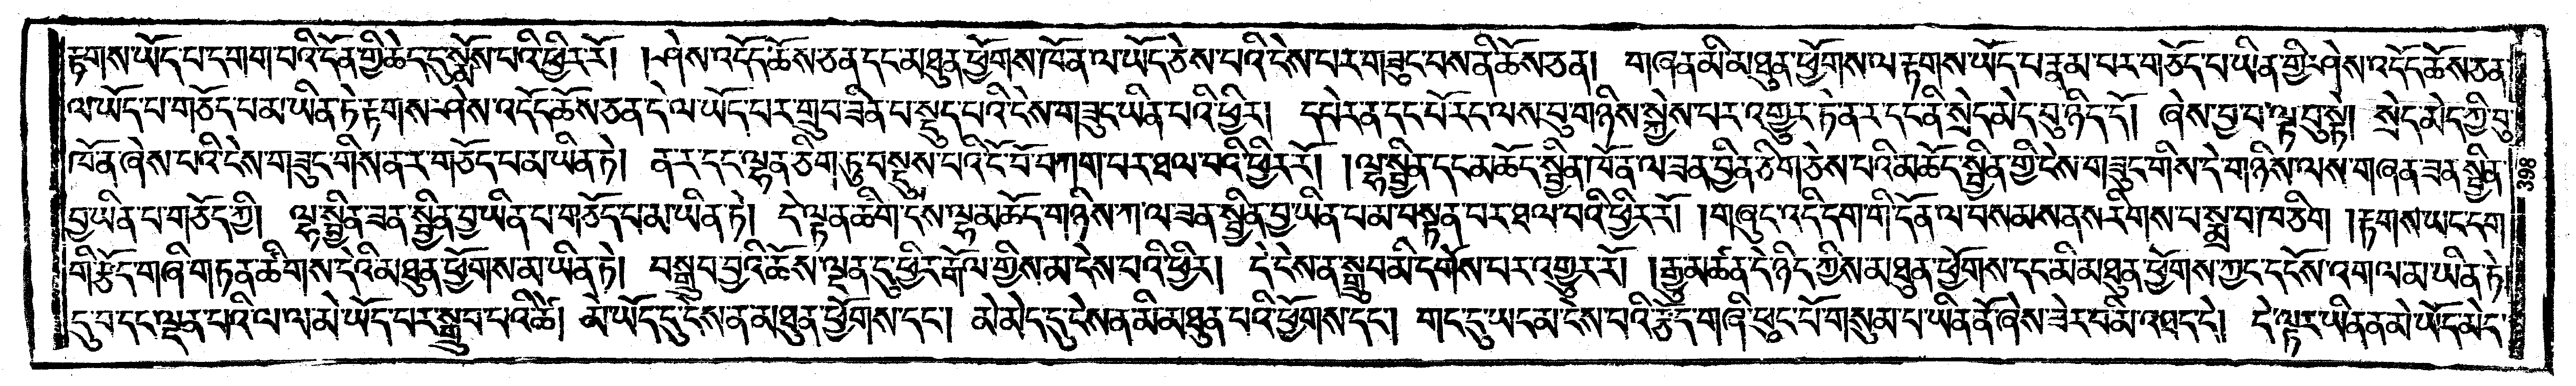རྟགས་ཡོད་པ་དགག་པའི་དོན་གྱི་ཆེད་དུ་སྨོས་པའི་ཕྱིར་རོ། །ཤེས་འདོད་ཆོས་ཅན་དང་མཐུན་ཕྱོགས་ཁོ་ན་ལ་ཡོད་ཅེས་པའི་ངེས་པར་གཟུང་བས་ནི་ཆོས་ཅན། གཞན་མི་མཐུན་ཕྱོགས་ལ་རྟགས་ཡོད་པ་རྣམ་པར་གཅོད་པ་ཡིན་གྱི་ཤེས་འདོད་ཆོས་ཅན་
ལ་ཡོད་པ་གཅོད་པ་མ་ཡིན་ཏེ་རྟགས་ཤེས་འདོད་ཆོས་ཅན་དེ་ལ་ཡོད་པར་གྲུབ་ཟིན་པ་སྡུད་པའི་ངེས་གཟུང་ཡིན་པའི་ཕྱིར། དཔེར་ན་དང་པོ་རང་ལས་བུ་གཉིས་སྐྱེས་པར་འགྱུར་ཏེ་ན་ར་དང་ནི་སྲེད་མེད་བུ་ཉིད་དོ། ཞེས་བྱ་བ་ལྟ་བུ་སྟེ། སྲེད་མེད་ཀྱི་བུ་
ཁོ་ན་ཞེས་པའི་ངེས་གཟུང་གིས་ན་ར་གཅོད་པ་མ་ཡིན་ཏེ། ན་ར་དང་ལྷན་ཅིག་ཏུ་བསྡུས་པའི་ངོ་བོ་བཀག་པར་ཐལ་བའི་ཕྱིར་རོ། །ལྷ་སྦྱིན་དང་མཆོད་སྦྱིན་ཁོ་ན་ལ་ཟན་བྱིན་ཅིག་ཅེས་པའི་མཆོད་སྦྱིན་གྱི་ངེས་གཟུང་གིས་དེ་གཉིས་ལས་གཞན་ཟན་སྦྱིན་
བྱ་ཡིན་པ་གཅོད་ཀྱི། ལྷ་སྦྱིན་ཟན་སྦྱིན་བྱ་ཡིན་པ་གཅོད་པ་མ་ཡིན་ཏེ། དེ་ལྟ་ན་ཚིག་དེས་ལྷ་མཆོད་གཉིས་ཀ་ལ་ཟན་སྦྱིན་བྱ་ཡིན་པ་མ་བསྟན་པར་ཐལ་བའི་ཕྱིར་རོ། །གཞུང་འདི་དག་གི་དོན་ལ་བསམས་ནས་རིགས་པ་སྨྲ་བ་ཁ་ཅིག །རྟགས་ཡང་དག་
གི་རྩོད་གཞི་གཏན་ཚིགས་དེའི་མཐུན་ཕྱོགས་མ་ཡིན་ཏེ། བསྒྲུབ་བྱའི་ཆོས་ལྡན་དུ་ཕྱིར་རྒོལ་གྱིས་མ་ངེས་པའི་ཕྱིར། དེ་ངེས་ན་སྒྲུབ་མི་དགོས་པར་འགྱུར་རོ། །རྒྱུ་མཚན་དེ་ཉིད་ཀྱིས་མཐུན་ཕྱོགས་དང་མི་མཐུན་ཕྱོགས་ཀྱང་དངོས་འགལ་མ་ཡིན་ཏེ།
དུ་བ་དང་ལྡན་པའི་ལ་ལ་མེ་ཡོད་པར་སྒྲུབ་པའི་ཚེ། མེ་ཡོད་དུ་ངེས་ན་མཐུན་ཕྱོགས་དང་། མེ་མེད་དུ་ངེས་ན་མི་མཐུན་པའི་ཕྱོགས་དང་། གང་དུ་ཡང་མ་ངེས་པའི་རྩོད་གཞི་ཕུང་པོ་གསུམ་པ་ཡིན་ནོ་ཞེས་ཟེར་བ་མི་འཐད་དེ། དེ་ལྟར་ཡིན་ན་མེ་ཡོད་མེད་